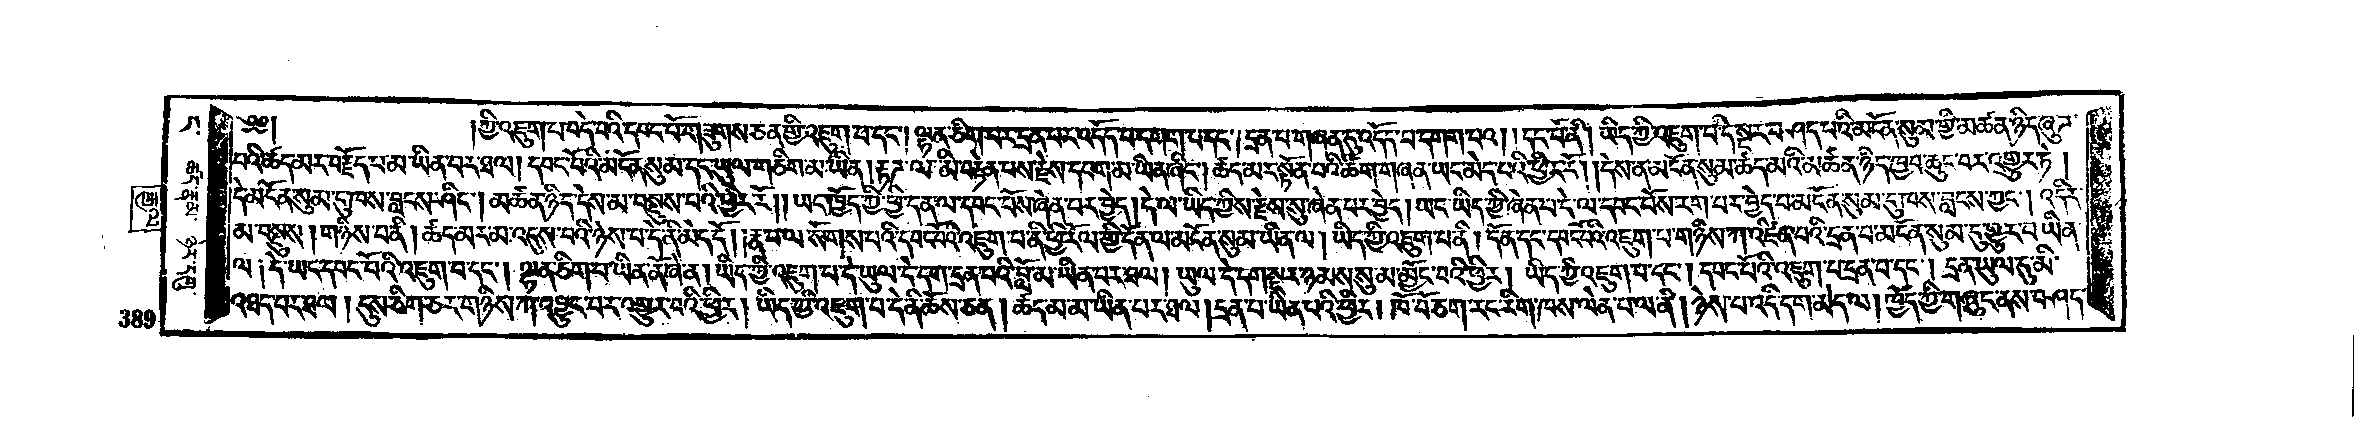༄༅། །ཀྱི་འཇུག་པ་བདེ་བའི་དབང་པོ་གཟུགས་ཅན་གྱི་འཇུག་པ་དང་། ལྷན་ཅིག་བར་དྲན་པར་འདོད་པ་དགག་པ་དང་། དྲན་པ་གཞན་དུ་འདོད་པ་དགག་པའོ། །དང་པོ་ནི། ཡིད་ཀྱི་འཇུག་པ་དེ་སྔར་བཤད་པའི་མངོན་སུམ་གྱི་མཚན་ཉིད་ཞུགས་
པའི་ཚད་མར་བརྗོད་པ་མ་ཡིན་པར་ཐལ། དབང་པོའི་མངོན་སུམ་དང་ཡུལ་གཅིག་མ་ཡིན། རྟགས་ལ་མི་བརྟེན་པས་རྗེས་དཔག་མ་ཡིན་ཞིང་། ཚད་མར་སྟོན་པའི་ཚིག་གཞན་ཡང་མེད་པའི་ཕྱིར་རོ། །དེས་ན་མངོན་སུམ་ཚད་མའི་མཚན་ཉིད་ཁྱབ་ཆུང་བར་འགྱུར་ཏེ།
དེ་མངོན་སུམ་དུ་ཁས་བླངས་ཤིང་། མཚན་ཉིད་དེས་མ་བསྡུས་པའི་ཕྱིར་རོ། །ཡང་ཁྱོད་ཀྱི་ཕྱི་དན་ལ་དབང་པོས་ཞེན་པར་བྱེད། དེ་ལ་ཡིད་ཀྱིས་རྗེས་སུ་ཞེན་པར་བྱེད། ཡང་ཡིད་ཀྱི་ཞེན་པ་དེ་ལ་དབང་པོས་རག་པར་བྱེད་པ་མངོན་སུམ་དུ་ཁས་བླངས་ཀྱང་། འདིར་
མ་བསྡུས། གཉིས་པ་ནི། ཚད་མར་མ་འདུས་པའི་ཉེས་པ་དེ་ནི་མེད་དོ། །རྣ་བ་ལ་སོགས་པའི་དབང་པོའི་འཇུག་པ་ནི་ཕྱིར་རོལ་གྱི་དོན་ལ་མངོན་སུམ་ཡིན་ལ། ཡིད་ཀྱི་འཇུག་པ་ནི། དོན་དང་དབང་པོའི་འཇུག་པ་གཉིས་ཀ་འཛིན་པའི་དན་པ་མངོན་སུམ་དུ་གྱུར་པ་ཡིན་
ལ༑ དེ་ཡང་དབང་པོའི་འཇུག་པ་དང་། ལྷན་ཅིག་པ་ཡིན་ནོ་ཞེ་ན། ཡིད་ཀྱི་འཇུག་པ་དེ་ཡུལ་དེ་དག་དྲན་པའི་བློ་མ་ཡིན་པར་ཐལ། ཡུལ་དེ་དག་སྔར་ཉམས་སུ་མ་མྱོང་བའི་ཕྱིར། ཡིད་ཀྱི་འཇུག་པ་དང་། དབང་པོའི་འཇུག་པ་དྲན་པ་དང་། དྲན་ཡུལ་དུ་མི་
འཐད་པར་ཐལ། དུས་ཅིག་ཅར་གཉིས་ཀ་འབྱུང་བར་འགྱུར་པའི་ཕྱིར། ཡིད་ཀྱི་འཇུག་པ་དེ་ནི་ཆོས་ཅན། ཚད་མ་མ་ཡིན་པར་ཐལ། དྲན་པ་ཡིན་པའི་ཕྱིར། ཁོ་བོ་ཅག་དང་རིག་ཁས་ལེན་པ་ལ་ནི། ཉེས་པ་འདི་དག་མེད་ལ། ཁྱོད་ཀྱི་གཞུང་ནས་བཤད་